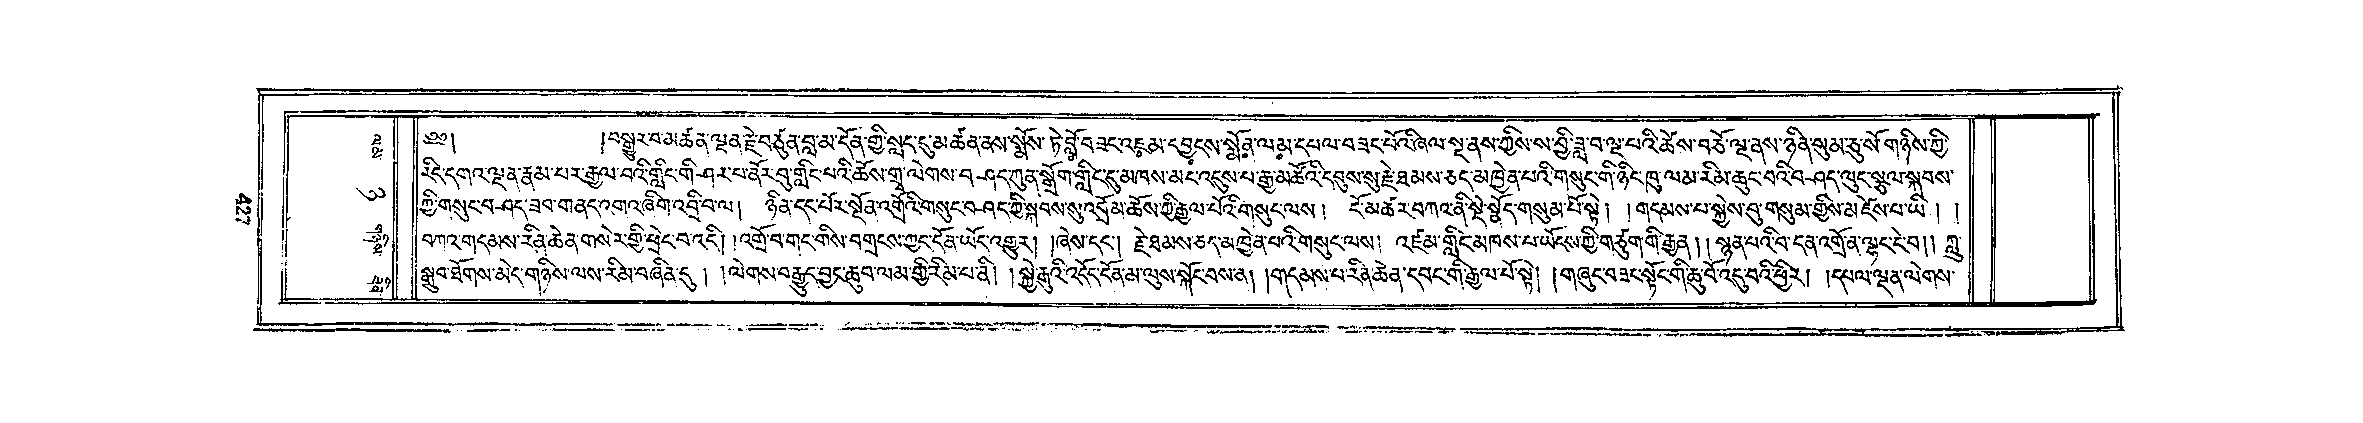༄༅། །བསྒྱུར་བ་མཚན་ལྡན་རྗེ་བཙུན་བླ་མ་དོན་གྱི་སླད་དུ་མཚན་ནས་སྨོས་ཏེ་བློ་བཟང་འཇམ་དབྱངས་སྨོན་ལམ་དཔལ་བཟང་པོའི་ཞལ་སྔ་ནས་ཀྱིས་ས་བྱི་ཟླ་བ་ལྔ་པའི་ཚེས་བཅོ་ལྔ་ནས་ཉིན་སུམ་ཅུ་སོ་གཉིས་ཀྱི་
རིང་དགའ་ལྡན་རྣམ་པར་རྒྱལ་བའི་གླིང་གི་ཤར་པ་ནོར་བུ་གླིང་པའི་ཆོས་གྲྭ་ལེགས་བཤད་ཀུན་སྒྲོག་གླིང་དུ་མཁས་མང་འདུས་པ་རྒྱ་མཚོའི་དབུས་སུ་རྗེ་ཐམས་ཅད་མཁྱེན་པའི་གསུང་གི་ཉིང་ཁུ་ལམ་རིམ་ཆུང་བའི་བཤད་ལུང་སྩལ་སྐབས་
ཀྱི་གསུང་བཤད་ཟབ་གནད་འགའ་ཞིག་འབྲི་བ་ལ། ཉིན་དང་པོར་སྔོན་འགྲོའི་གསུང་བཤད་ཀྱི་སྐབས་སུ་འབྲོམ་ཆོས་ཀྱི་རྒྱལ་པོའི་གསུང་ལས། ངོ་མཚར་བཀའ་ནི་སྡེ་སྣོད་གསུམ་པོ་སྟེ། །གདམས་པ་སྐྱེས་བུ་གསུམ་གྱིས་མཛེས་པ་ཡི། །
བཀའ་གདམས་རིན་ཆེན་གསེར་གྱི་ཕྲེང་བ་འདི། །འགྲོ་བ་གང་གིས་བགྲངས་ཀྱང་དོན་ཡོད་འགྱུར། །ཞེས་དང་། རྗེ་ཐམས་ཅད་མཁྱེན་པའི་གསུང་ལས། འཛམ་གླིང་མཁས་པ་ཡོངས་ཀྱི་གཙུག་གི་རྒྱན། །སྙན་པའི་བ་དན་འགྲོ་ན་ལྷང་ངེ་བ། །ཀླུ་
སྒྲུབ་ཐོགས་མེད་གཉིས་ལས་རིམ་བཞིན་དུ། །ལེགས་བརྒྱུད་བྱང་ཆུབ་ལམ་གྱི་རིམ་པ་ནི། །སྐྱེ་རྒུའི་འདོད་དོན་མ་ལུས་སྐོང་བས་ན། །གདམས་པ་རིན་ཆེན་དབང་གི་རྒྱལ་པོ་སྟེ། །གཞུང་བཟང་སྟོང་གི་ཆུ་བོ་འདུ་བའི་ཕྱིར། །དཔལ་ལྡན་ལེགས་